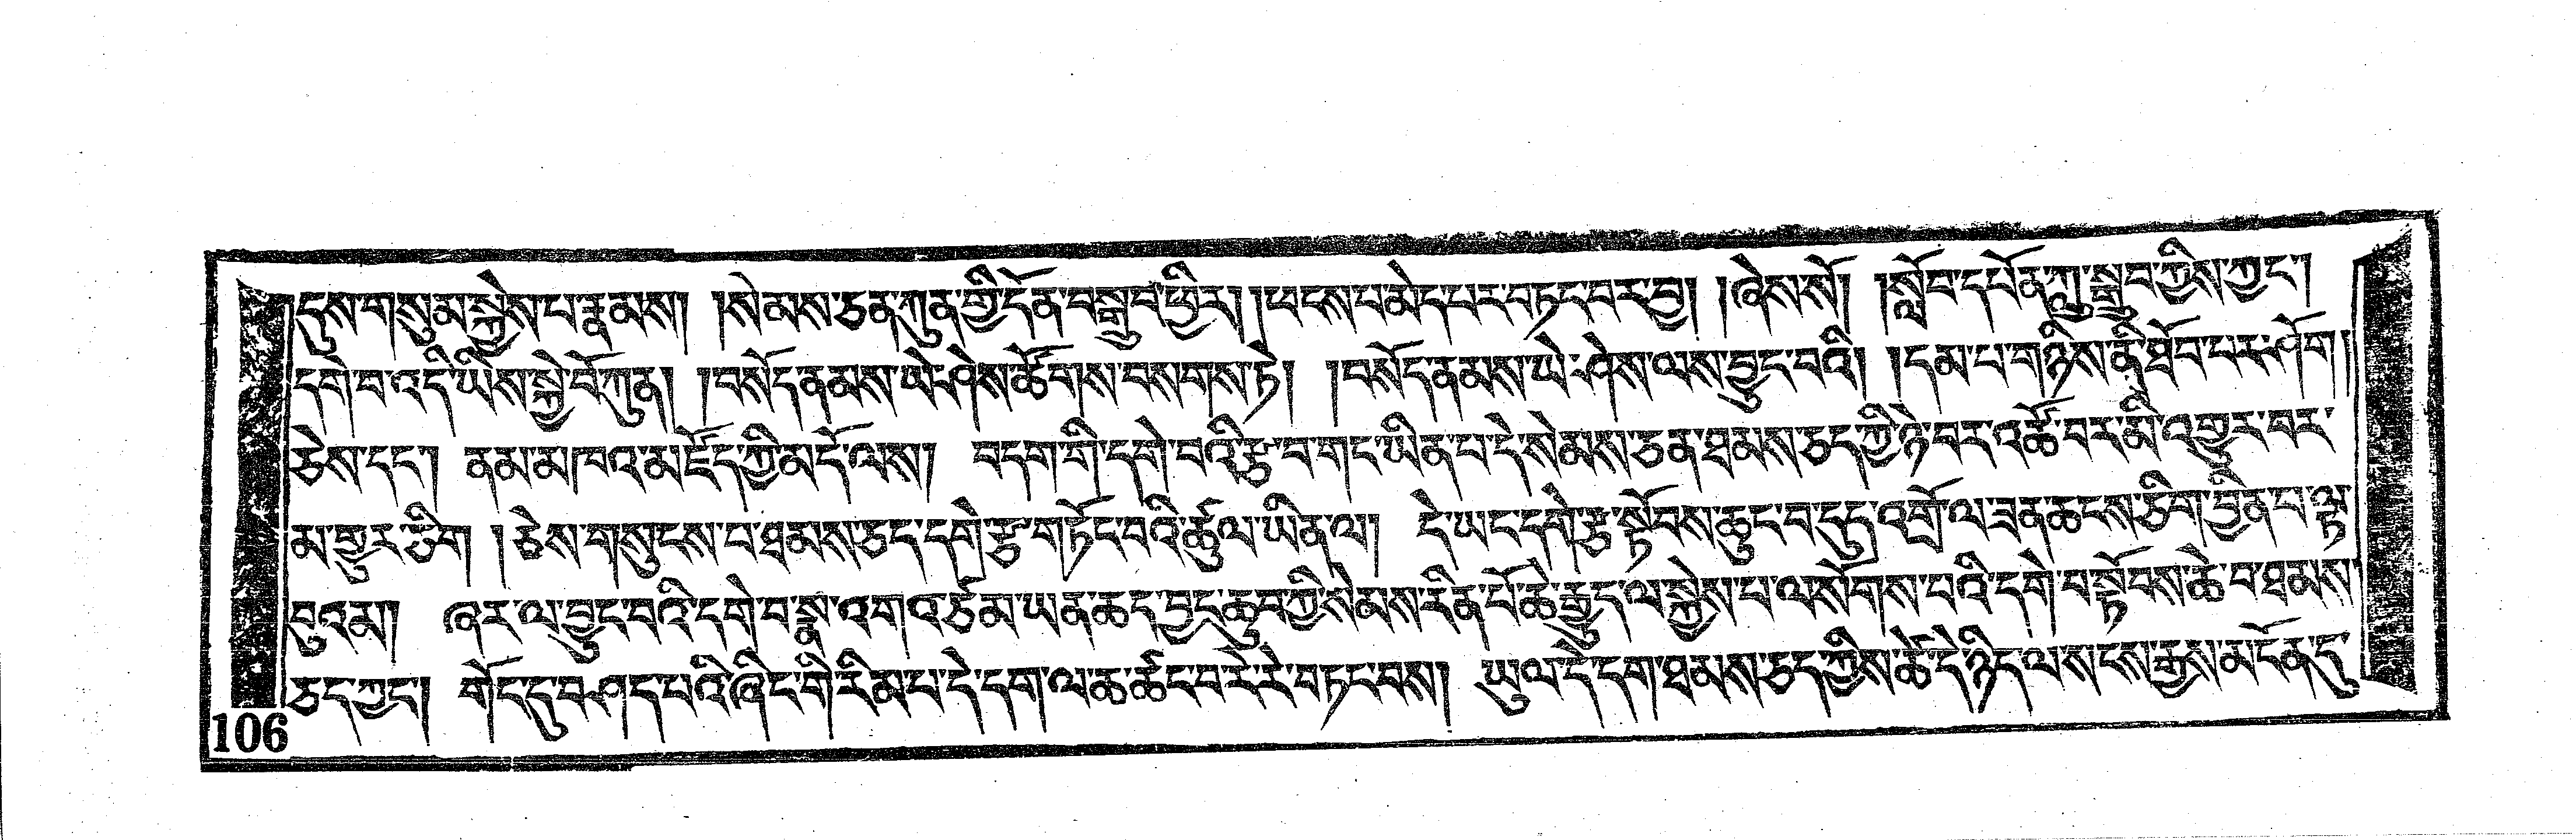དུས་གསུམ་སྐྱེས་པ་རྣམས། །སེམས་ཅན་ཀུན་གྱི་དོན་བསྒྲུབ་ཕྱིར། །ཕངས་པ་མེད་པར་བཏང་བར་བྱ། །ཞེས་སོ། །སློབ་དཔོན་ཀླུ་སྒྲུབ་ཀྱིས་ཀྱང་།
དགེ་བ་འདི་ཡིས་སྐྱེ་བོ་ཀུན། །བསོད་ནམས་ཡེ་ཤེས་ཚོགས་བསགས་ཏེ། །བསོད་ནམས་ཡེ་ཤེས་ལས་བྱུང་བའི། །དམ་པ་གཉིས་ནི་ཐོབ་པར་ཤོག །
ཅེས་དང་། ནམ་མཁའ་མཛོད་ཀྱི་མདོ་ལས། བདག་གི་དགེ་བའི་རྩ་བ་གང་ཡིན་པ་དེ་སེམས་ཅན་ཐམས་ཅད་ཀྱི་ཉེ་བར་འཚོ་བར་མི་འགྱུར་བར་
མ་གྱུར་ཅིག །ཅེས་གསུངས་པ་ཐམས་ཅད་དགེ་རྩ་གཏོང་བའི་ཚུལ་ཡིན་ལ། དེ་ཡང་དགེ་རྩ་སྟོབས་ཆུང་བ་དུད་འགྲོ་ལ་ཟན་ཆངས་ཅིག་བྱིན་པ་ལྟ་
བུའམ། ཞར་ལ་བྱུང་བའི་དགེ་བ་སྣ་འགའ་ཙམ་ཡན་ཆད་བྱང་ཆུབ་ཀྱི་སེམས་རིན་པོ་ཆེ་རྒྱུད་ལ་སྐྱེས་པ་ལ་སོགས་པའི་དགེ་བ་སྟོབས་ཆེ་བ་ཐམས་
ཅད་ཀྱང་། གོང་དུ་བཤད་པའི་ཞིང་གི་རིམ་པ་དེ་དག་ལ་ཆ་ཚང་བ་རེ་རེ་བཏང་བས། ཡུལ་དེ་དག་ཐམས་ཅད་ཀྱིས་ཚེ་དེ་ཉིད་ལ་སངས་རྒྱས་མངོན་དུ་